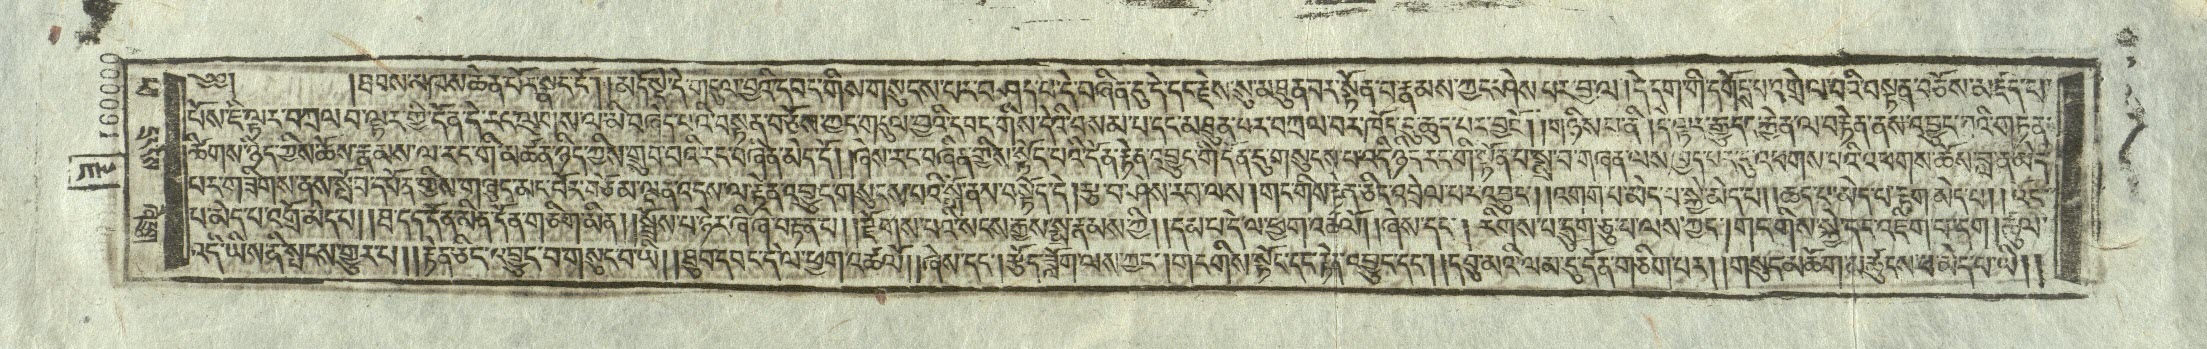༄༅། །ཐབས་མཁས་ཆེན་པོར་སྣང་ངོ། །མདོ་སྡེ་དེ་གདུལ་བྱའི་དབང་གིས་གསུངས་པར་བཤད་པ་དེ་བཞིན་དུ་དེ་དང་རྗེས་སུ་མཐུན་པར་སྟོན་པ་རྣམས་ཀྱང་ཤེས་པར་བྱ་ལ། དེ་དག་གི་དགོངས་པ་འགྲེལ་བའི་བསྟན་བཅོས་མཛད་པ་
པོས་ཇི་ལྟར་བཀྲལ་བ་ལྟར་གྱ་དོན་དེ་རང་ལུགས་ལ་མི་བཞེད་པའི་བསྟན་བཅོས་ཀྱང་གདུལ་བྱའི་དབང་གིས་དེའི་བསམ་པ་དང་མཐུན་པར་བཀྲལ་བར་ཁོང་དུ་ཆུད་པར་བྱའོ། །གཉིས་པ་ནི། དེ་ལྟར་རྒྱུ་དང་རྐྱེན་ལ་བརྟེན་ནས་འབྱུང་བའི་གཏན་
ཚིགས་ཉིད་ཀྱིས་ཆོས་རྣམས་ལ་རང་གི་མཚན་ཉིད་ཀྱིས་གྲུབ་པའི་རང་བཞིན་མེད་དོ། །ཞེས་རང་བཞིན་གྱིས་སྟོང་པའི་དོན་རྟེན་འབྱུང་གི་དོན་དུ་གསུངས་པ་འདི་ཉིད་རང་གི་སྟོན་པ་སྨྲ་བ་གཞན་ལས་ཁྱད་པར་དུ་འཕགས་པའི་འཕགས་ཆོས་བླ་ན་མེད་
པར་གཟིགས་ནས་སློབ་དཔོན་གྱིས་གཞུང་མང་པོར་བཅོམ་ལྡན་འདས་ལ་རྟན་འབྱུང་གསུངས་པའི་སྒོ་ནས་བསྟོད་དེ། རྩ་བ་ཤེས་རབ་ལས། གང་གིས་རྟེན་ཅིང་འབྲེལ་པར་འབྱུང་། །འགག་པ་མེད་པ་སྐྱེ་མེད་པ། །ཆད་པ་མེད་པ་རྟག་མེད་པ། །འོང་
བ་མེད་པ་འགྲོ་མེད་པ། །ཐ་དད་དོན་མིན་དོན་གཅིག་མིན། །སྤྲོས་པ་ཉེར་ཞི་ཞི་བརྟན་པ། །རྫོགས་པའི་སངས་རྒྱས་སྨྲ་རྣམས་ཀྱི། །དམ་པ་དེ་ལ་ཕྱག་འཚལ་ལོ། །ཞེས་དང་། རིགས་པ་དྲུག་ཅུ་པ་ལས་ཀྱང་། གང་གིས་སྐྱེ་དང་འཇིག་པ་དག །ཚུལ་
འདི་ཡིས་ནི་སྤངས་གྱུར་པ། །རྟེན་ཅིང་འབྱུང་བ་གསུང་བ་ཡི། །ཐུབ་དབང་དེ་ལ་ཕྱག་འཚལ་ལོ། །ཞེས་དང་། རྩོད་ཟློག་ལས་ཀྱང་། གང་གིས་སྟོང་དང་རྟེན་འབྱུང་དང་། །དབུ་མའི་ལམ་དུ་དོན་གཅིག་པར། །གསུང་མཆོག་མཚུངས་པ་མེད་པ་ཡི། །